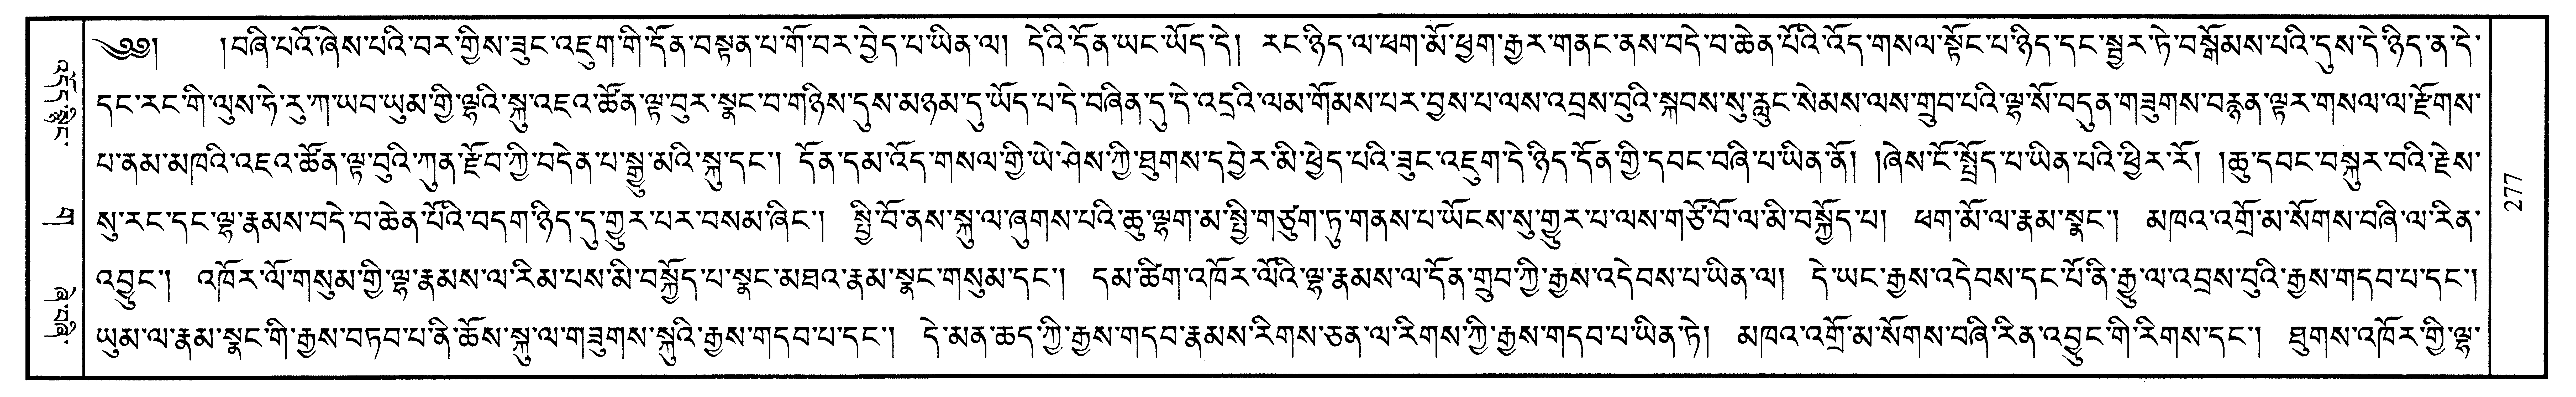༄༅། །བཞི་པའོ་ཞེས་པའི་བར་གྱིས་ཟུང་འཇུག་གི་དོན་བསྟན་པ་གོ་བར་བྱེད་པ་ཡིན་ལ། དེའི་དོན་ཡང་ཡོད་དེ། རང་ཉིད་ལ་ཕག་མོ་ཕྱག་རྒྱར་གནང་ནས་བདེ་བ་ཆེན་པོའི་འོད་གསལ་སྟོང་པ་ཉིད་དང་སྦྱར་ཏེ་བསྒོམས་པའི་དུས་དེ་ཉིད་ན་དེ་
དང་རང་གི་ལུས་ཧེ་རུ་ཀ་ཡབ་ཡུམ་གྱི་ལྷའི་སྐུ་འཇའ་ཚོན་ལྟ་བུར་སྣང་བ་གཉིས་དུས་མཉམ་དུ་ཡོད་པ་དེ་བཞིན་དུ་དེ་འདྲའི་ལམ་གོམས་པར་བྱས་པ་ལས་འབྲས་བུའི་སྐབས་སུ་རླུང་སེམས་ལས་གྲུབ་པའི་ལྷ་སོ་བདུན་གཟུགས་བརྙན་ལྟར་གསལ་ལ་རྫོགས་
པ་ནམ་མཁའི་འཇའ་ཚོན་ལྟ་བུའི་ཀུན་རྫོབ་ཀྱི་བདེན་པ་སྒྱུ་མའི་སྐུ་དང་། དོན་དམ་འོད་གསལ་གྱི་ཡེ་ཤེས་ཀྱི་ཐུགས་དབྱེར་མི་ཕྱེད་པའི་ཟུང་འཇུག་དེ་ཉིད་དོན་གྱི་དབང་བཞི་པ་ཡིན་ནོ། །ཞེས་ངོ་སྤྲོད་པ་ཡིན་པའི་ཕྱིར་རོ། །ཆུ་དབང་བསྐུར་བའི་རྗེས་
སུ་རང་དང་ལྷ་རྣམས་བདེ་བ་ཆེན་པོའི་བདག་ཉིད་དུ་གྱུར་པར་བསམ་ཞིང་། སྤྱི་བོ་ནས་སྐུ་ལ་ཞུགས་པའི་ཆུ་ལྷག་མ་སྤྱི་གཙུག་ཏུ་གནས་པ་ཡོངས་སུ་གྱུར་པ་ལས་གཙོ་བོ་ལ་མི་བསྐྱོད་པ། ཕག་མོ་ལ་རྣམ་སྣང་། མཁའ་འགྲོ་མ་སོགས་བཞི་ལ་རིན་
འབྱུང་། འཁོར་ལོ་གསུམ་གྱི་ལྷ་རྣམས་ལ་རིམ་པས་མི་བསྐྱོད་པ་སྣང་མཐའ་རྣམ་སྣང་གསུམ་དང་། དམ་ཚིག་འཁོར་ལོའི་ལྷ་རྣམས་ལ་དོན་གྲུབ་ཀྱི་རྒྱས་འདེབས་པ་ཡིན་ལ། དེ་ཡང་རྒྱས་འདེབས་དང་པོ་ནི་རྒྱུ་ལ་འབྲས་བུའི་རྒྱས་གདབ་པ་དང་།
ཡུམ་ལ་རྣམ་སྣང་གི་རྒྱས་བཏབ་པ་ནི་ཆོས་སྐུ་ལ་གཟུགས་སྐུའི་རྒྱས་གདབ་པ་དང་། དེ་མན་ཆད་ཀྱི་རྒྱས་གདབ་རྣམས་རིགས་ཅན་ལ་རིགས་ཀྱི་རྒྱས་གདབ་པ་ཡིན་ཏེ། མཁའ་འགྲོ་མ་སོགས་བཞི་རིན་འབྱུང་གི་རིགས་དང་། ཐུགས་འཁོར་གྱི་ལྷ་